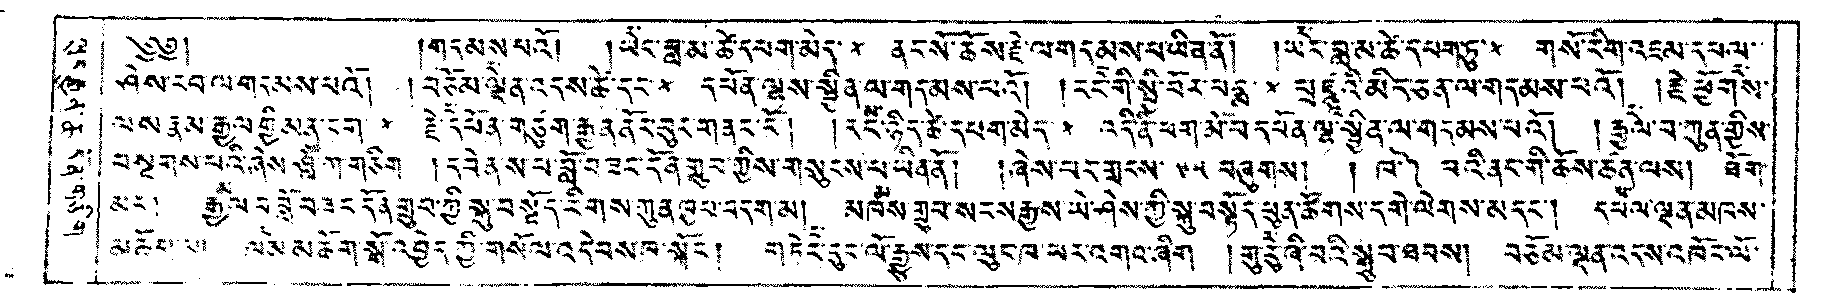༄༅། །གདམས་པའོ། །ར་ཡང་བླ་མ་ཚེ་དཔག་མེད་྾་ནང་སོ་ཆོས་རྗེ་ལ་གདམས་པ་ཡིན་ནོ། །ར་ཡང་བླ་མ་ཚེ་དཔག་ཏུ་྾་གསོ་རིག་འཇམ་དཔལ་
ཤེས་རབ་ལ་གདམས་པའོ། །བཅོམ་ལྡན་འདས་ཚེ་དང་྾་དཔོན་ལྷས་སྦྱིན་ལ་གདམས་པའོ། །ར་རང་གི་སྤྱི་བོར་པདམ་྾་པྲཛྙཱའི་མིང་ཅན་ལ་གདམས་པའོ། །ར་རྗེ་ཕྱོགས་
ལས་རྣམ་རྒྱལ་རྒྱལ་གྱི་མན་ངག་྾་ར་རྗེ་དཔོན་གཙུག་རྒྱན་ནོར་བུར་གནང་ངོ། །མ་རང་ཉིད་ཚེ་དཔག་མེད་྾་འདི་ནི་ཕག་མོ་བ་དཔོན་ལྷ་སྦྱིན་ལ་གདམས་པའོ། །ར་རྒྱལ་བ་ཀུན་གྱིས་
བསྔགས་པའི་ཞེས་ཤླཽ་ཀ་གཅིག །དབེན་ས་པ་བློ་བཟང་དོན་གྲུབ་ཀྱིས་གསུངས་པ་ཡིན་ནོ། །ཞེས་པར་གྲངས ༤༥་བཞུགས། ཁ྄་པའི་ནང་གི་ཆོས་ཚན་ལས། ཐོག་
མར། མ་རྒྱལ་བ་བློ་བཟང་དོན་གྲུབ་ཀྱི་སྐུ་བསྟོད་རིགས་ཀུན་ཁྱབ་བདག་མ། མཁས་གྲུབ་སངས་རྒྱས་ཡེ་ཤེས་ཀྱི་སྐུ་བསྟོད་ཕུན་ཚོགས་དགེ་ལེགས་མ་དང་། མ་དཔལ་ལྡན་མཁས་
མཆོག་མ། མ་ལམ་མཆོག་སྒོ་འབྱེད་ཀྱི་གསོལ་འདེབས་ཁ་སྐོང་། ར་གཏེར་དུང་ལོ་རྒྱུས་དང་ལུང་ཁ་ཡར་འགའ་ཞིག །ར་གུ་རུ་ཞི་བའི་སྒྲུབ་ཐབས། བཅོམ་ལྡན་འདས་འཁོར་ལོ་